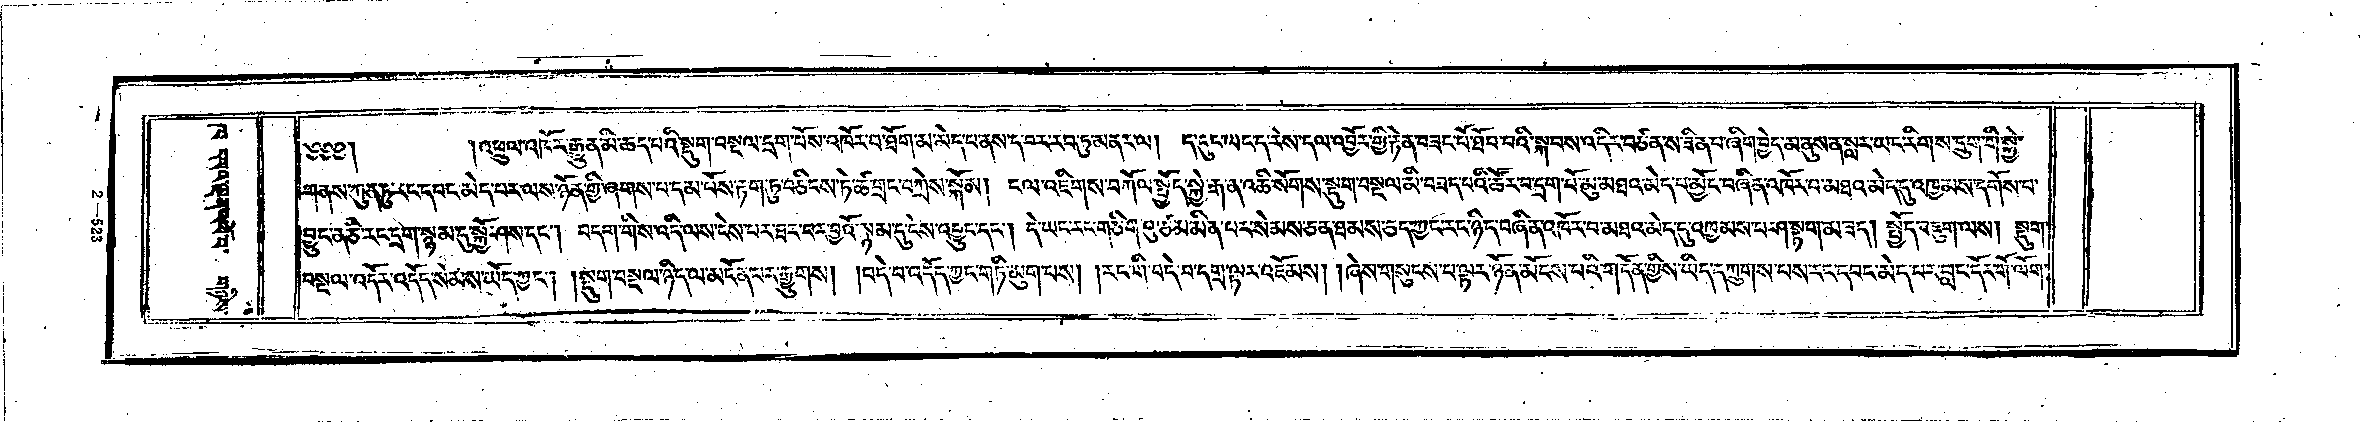༄༅༅། །འཕྲུལ་འཁོར་རྒྱུན་མི་ཆད་པའི་སྡུག་བསྔལ་དྲག་པོས་འཁོར་བ་ཐོག་མ་མེད་པ་ནས་ད་བར་རབ་ཏུ་མནར་ལ། ད་དུང་ཡང་ད་རེས་དལ་འབྱོར་གྱི་རྟེན་བཟང་པོ་ཐོབ་པའི་སྐབས་འདིར་བཙན་ས་ཟིན་པ་ཞིག་བྱེད་མ་ནུས་ན་སླར་ཡང་རིགས་དྲུག་གི་སྐྱེ་
གནས་ཀུན་ཏུ་རང་དབང་མེད་པར་ལས་ཉོན་གྱི་ཞགས་པ་དམ་པོས་རྟག་ཏུ་བཅིངས་ཏེ་ཚ་གྲང་བཀྲེས་སྐོམ། ངལ་འཇིགས་བཀོལ་སྤྱོད་སྐྱེ་རྒ་ན་འཆི་སོགས་སྡུག་བསྔལ་མི་བཟད་པའི་ཚོར་བ་དྲག་པོ་མུ་མཐའ་མེད་བ་མྱོང་བཞིན་འཁོར་བ་མཐའ་མེད་དུ་འཁྱམས་དགོས་པ་
བྱུང་ན་ཅི་རང་དྲེག་སྙམ་དུ་སྐྱོ་ཤས་དང་། བདག་གིས་འདི་ལས་ངེས་པར་ཐར་བར་བྱའོ་སྙམ་དུ་ངེས་འབྱུང་དང་། དེ་ཡང་རང་གཅིག་བུ་ཙམ་མིན་པར་སེམས་ཅན་ཐམས་ཅད་ཀྱང་རང་ཉིད་བཞིན་འཁོར་བ་མཐའ་མེད་དུ་འཁྱམས་པ་ཤ་སྟག་མ་ཟད། སྤྱོད་འཇུག་ལས། སྡུག་
བསྔལ་འདོར་འདོད་སེམས་ཡོད་ཀྱང་། །སྡུག་བསྔལ་ཉིད་ལ་མངོན་པར་རྒྱུགས། །བདེ་བ་འདོད་ཀྱང་གཏི་མུག་པས། །རང་གི་བདེ་བ་དགྲ་ལྟར་འཇོམས། །ཞེས་གསུངས་པ་ལྟར་ཉོན་མོངས་པའི་གདོན་གྱིས་ཡིད་དཀྲུགས་པས་རང་དབང་མེད་པར་བླང་དོར་གོ་ལོག་